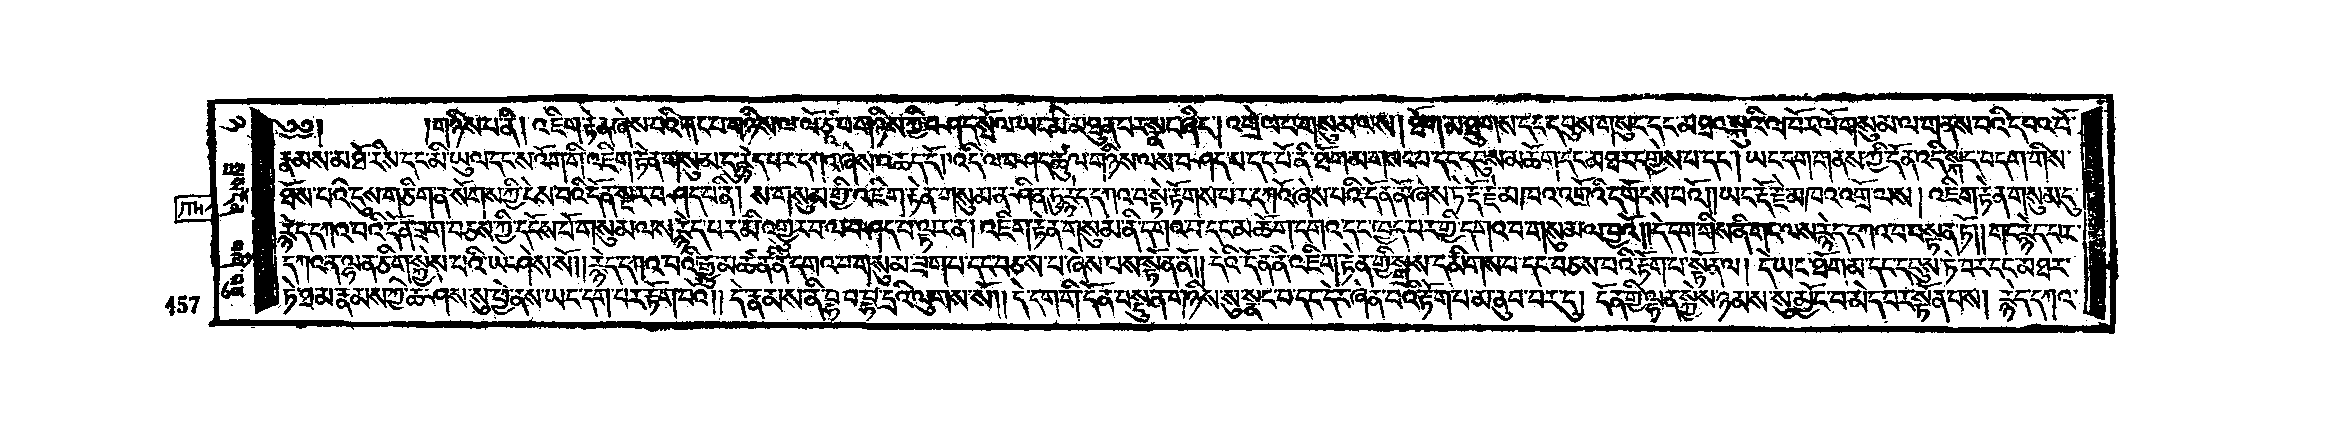༄༅། །གཉིས་པ་ནི། འཇིག་རྟེན་ཞེས་པའི་རྐང་པ་གཉིས་ལ་ལོ་ཙཱ་བ་གཉིས་ཀྱི་བཤད་སྲོལ་ཡང་མི་མཐུན་པར་སྣང་ཞིང་། འགྲེལ་པ་གསུམ་ལས། ཐོག་མ་ཐུགས་དང་དབུས་གསུང་དང་མཐའ་སྐུའི་འཁོར་ལོ་གསུམ་ལ་གནས་པའི་དཔའ་བོ་
རྣམས་མཐོ་རིས་དང་མི་ཡུལ་དང་ས་འོག་གི་འཇིག་རྟེན་གསུམ་དུ་རྙེད་པར་དཀའ་ཞེས་འཆད་དོ། །འདི་ལ་བཤད་ཚུལ་གཉིས་ལས་བཤད་པ་དང་པོ་ནི་ཐོག་མ་གསང་བ་དང་དབུས་མཆོག་དང་མཐར་དགྱེས་པ་དང་། ཡང་དག་གནས་ཀྱི་དོན་འདི་སྐད་བདག་གིས་
ཐོས་པའི་དུས་གཅིག་ན་སོགས་ཀྱི་ངེས་པའི་དོན་སྔར་བཤད་པ་ནི། ས་གསུམ་གྱི་འཇིག་རྟེན་གསུམ་ན་ཤིན་ཏུ་རྙེད་དཀའ་བ་སྟེ་རྟོགས་པར་དཀའོ་ཞེས་པའི་དོན་ནོ་ཞེས་ཏེ་རྡོ་རྗེ་མཁའ་འགྲོའི་དགོངས་པའོ། །ཡང་རྡོ་རྗེ་མཁའ་འགྲོ་ལས། འཇིག་རྟེན་གསུམ་དུ་
རྙེད་དཀའ་བའི་དོན་ཟག་བཅས་ཀྱི་དངོས་པོ་གསུམ་ལས་རྙེད་པར་མི་འགྱུར་བ་ལ་བཤད་པ་ལྟར་ན། འཇིག་རྟེན་གསུམ་ནི་དགའ་བ་དང་མཆོག་དགའ་དང་ཁྱད་པར་གྱི་དགའ་བ་གསུམ་ལ་བྱའོ། །དེ་དག་གིས་ནི་གང་ལས་རྙེད་དགའ་བ་བསྟན་ཏོ། །གང་རྙེད་པར་
དཀའ་ན་ལྷན་ཅིག་སྐྱེས་པའི་ཡེ་ཤེས་སོ། །རྙེད་དཀའ་བའི་རྒྱུ་མཚན་ནི་དགའ་བ་གསུམ་ཟག་པ་དང་བཅས་པ་ཞེས་པས་སྟོན་ནོ། །དེའི་དོན་ནི་འཇིག་རྟེན་གྱི་སྒྲས་དམིགས་པ་དང་བཅས་པའི་རྟོག་པ་སྟོན་ལ། དེ་ཡང་ཐོག་མ་དང་དབུས་ཏེ་བར་དང་མཐར་
ཏེ་ཐ་མ་རྣམས་ཀྱི་ཆ་ཤས་སུ་ཕྱེ་ནས་ཡང་དག་པར་རྟོག་པའོ། །དེ་རྣམས་ནི་བྷ་བ་བྷ་དྲའི་ལུགས་སོ། །དེ་དག་གི་དོན་བསྡུ་ན་གཉིས་སུ་སྣང་བ་དང་དེར་ཞེན་པའི་རྟོག་པ་མ་ནུབ་བར་དུ། དོན་གྱི་ལྷན་སྐྱེས་ཉམས་སུ་མྱོང་བ་མེད་པར་སྟོན་པས། རྙེད་དཀའ་